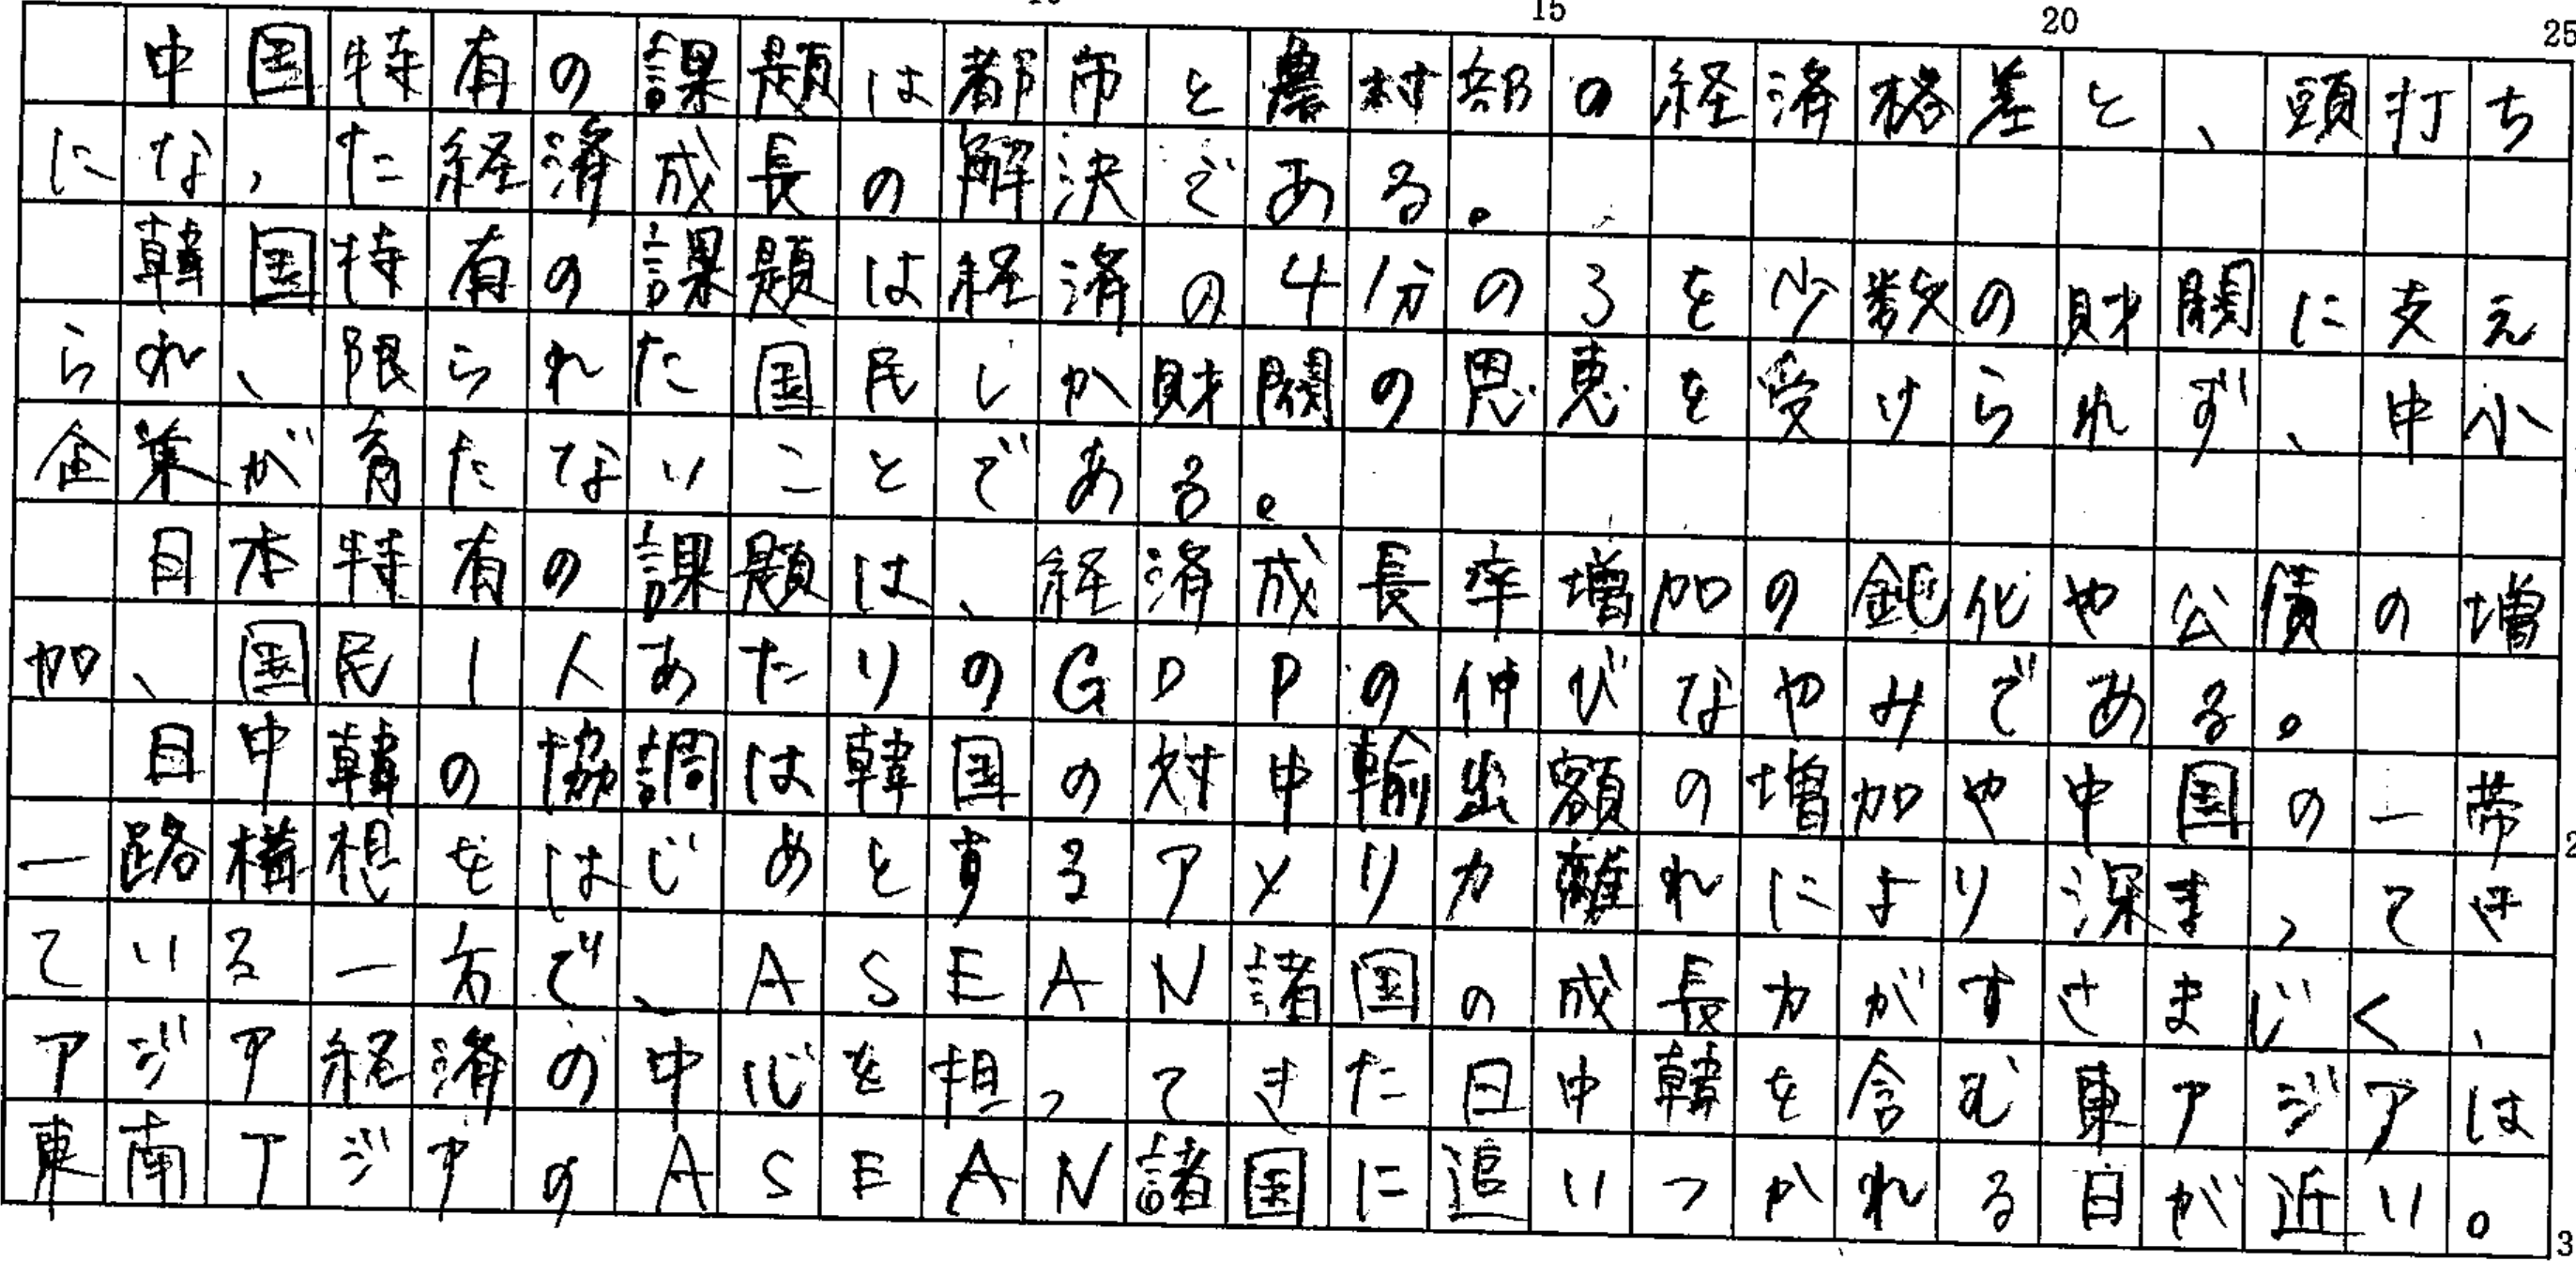　中国特有の課題は都市と農村部の経済格差と、頭打ちになった経済成長の解決である。
　韓国特有の課題は経済の４分の３を少数の財閥に支えられ、限られた国民しか財閥の恩恵を受けられず、中小企業が育たないことである。
　日本特有の課題は、経済成長率増加の鈍化や公債の増加、国民１人あたりのＧＤＰの伸びなやみである。
　日中韓の協調は韓国の対中輸出額の増加や中国の一帯一路構想をはじめとするアメリカ離れにより深まってきている一方で、ＡＳＥＡＮ諸国の成長力がすさまじく、アジア経済の中心を担ってきた日中韓を含む東アジアは東南アジアのＡＳＥＡＮ諸国に追いつかれる日が近い。
